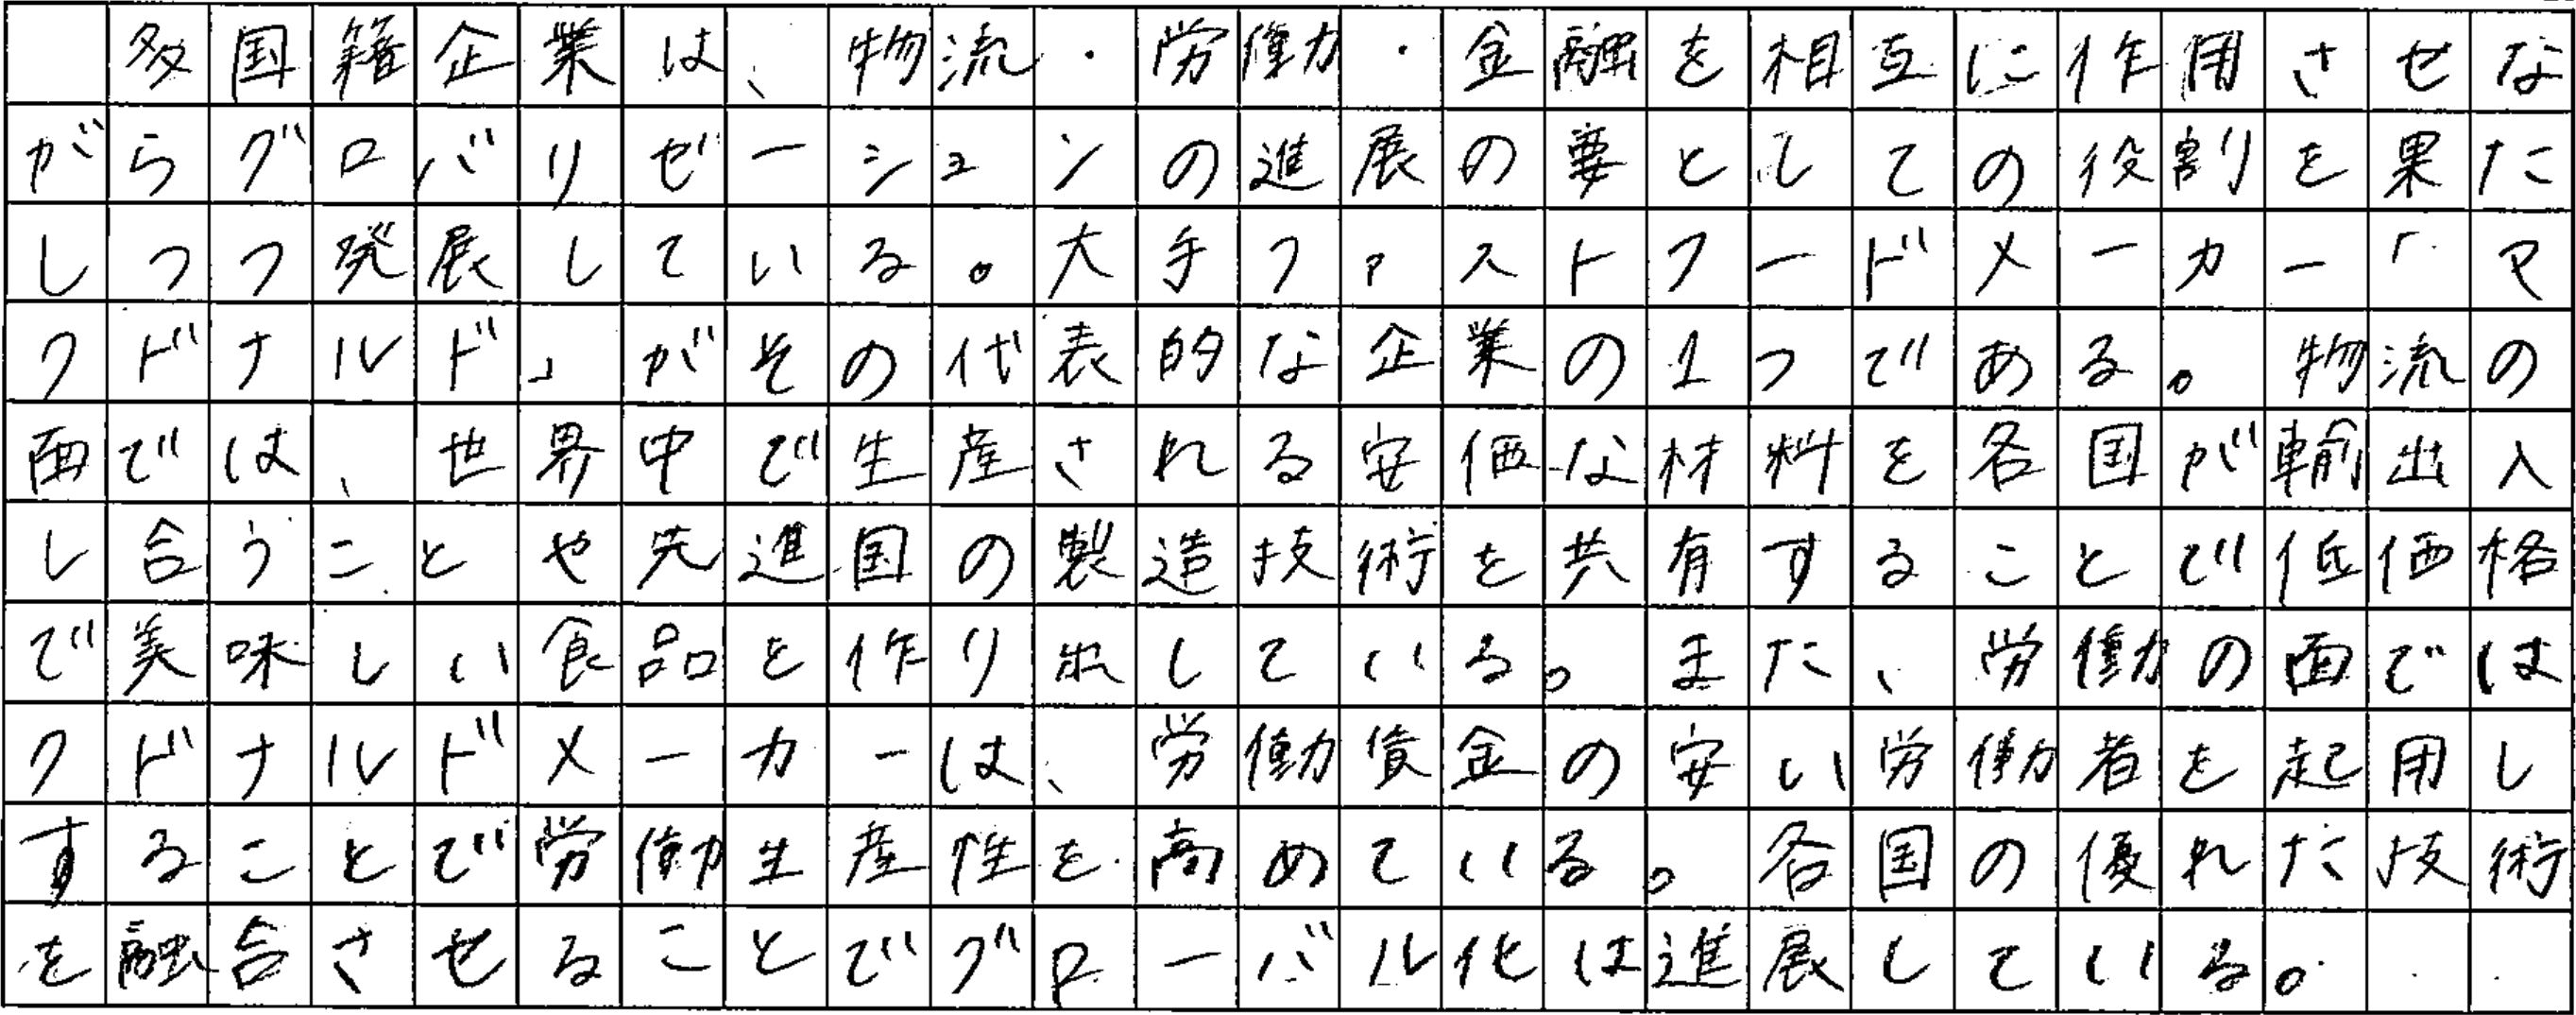　多国籍企業は、物流・労働・金融を相互に作用させながらグローバリゼーションの進展の要としての役割を果たしつつ発展している。大手ファストフードメーカー「マクドナルド」がその代表的な企業の１つである。物流の面では、世界中で生産される安価な材料を各国が輸出入し合うことや先進国の製造技術を共有することで低価格で美味しい食品を作り出している。また、労働の面ではクドナルドメーカーは、労働賃金の安い労働者を起用しすることで労働生産性を高めている。各国の優れた技術を融合させることでグローバル化は進展している。
